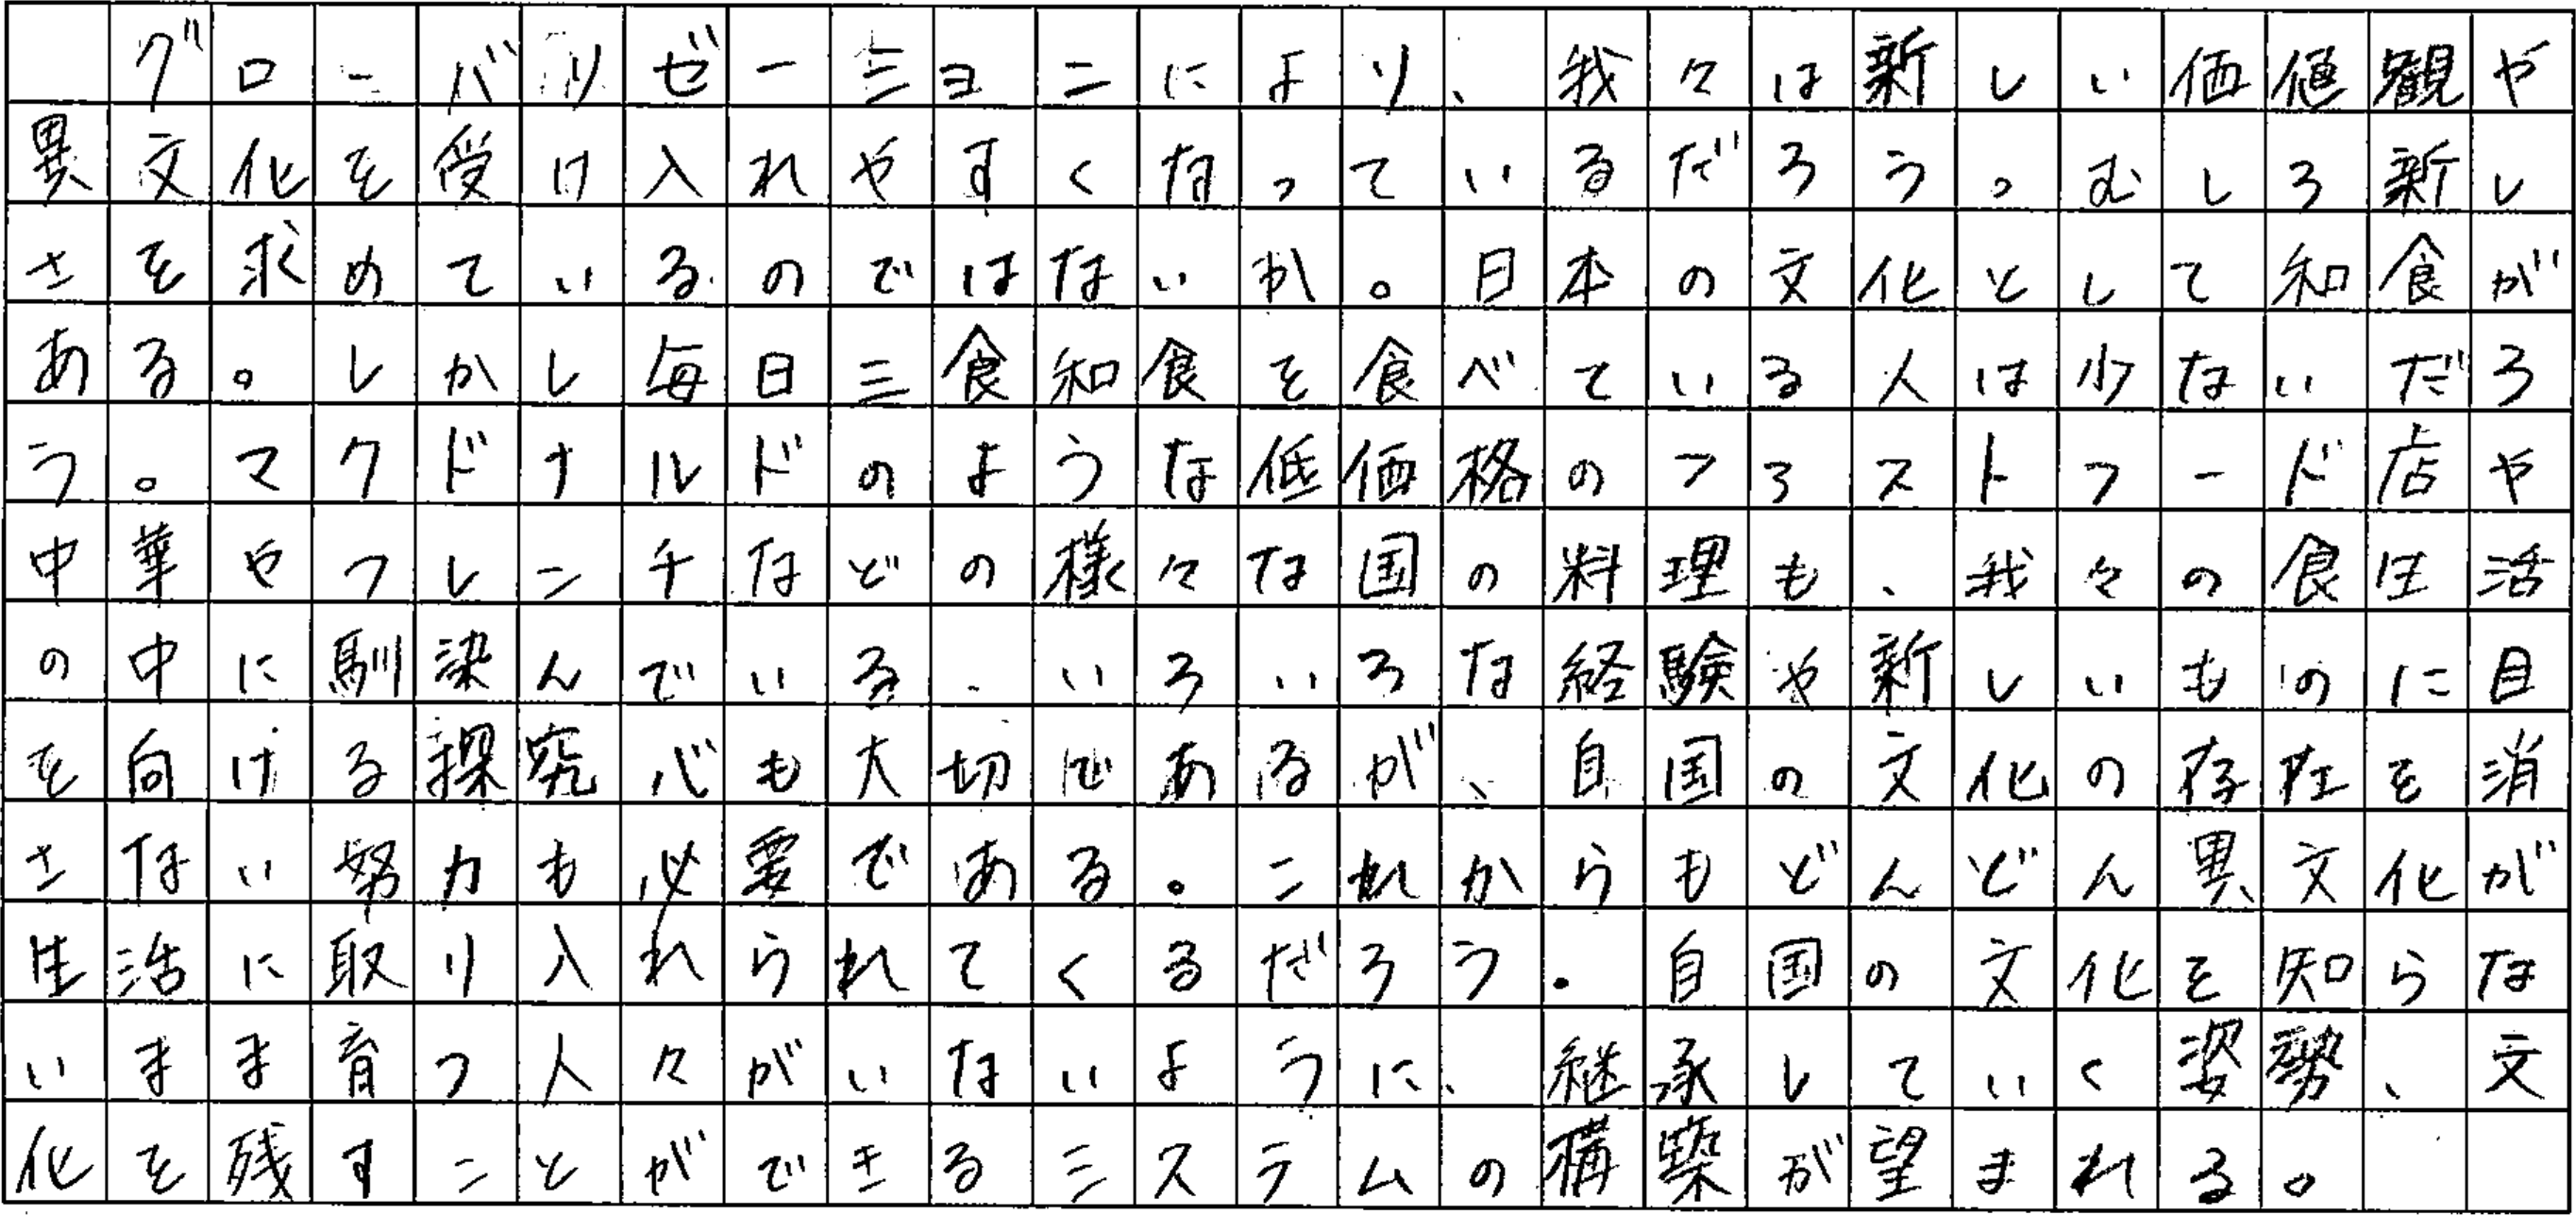　グローバリゼーションにより、我々は新しい価値観や異文化を受け入れやすくなっているのだろう。むしろ新しさを求めているのではないか。日本の文化として和食がある。しかし毎日三食和食を食べている人は少ないだろう。マクドナルドのような低価格のファストフード店や中華やフレンチなどの様々な国の料理も、我々の食生活の中に馴染んでいる。いろいろな経験や新しいものに目を向ける探究心も大切であるが、自国の文化の存在を消さない努力も必要である。これからもどんどん異文化が生活に取り入れられてくるだろう。自国の文化を知らないまま育つ人々がいないように、継承していく姿勢、文化を残すことができるシステムの構築が望まれる。
